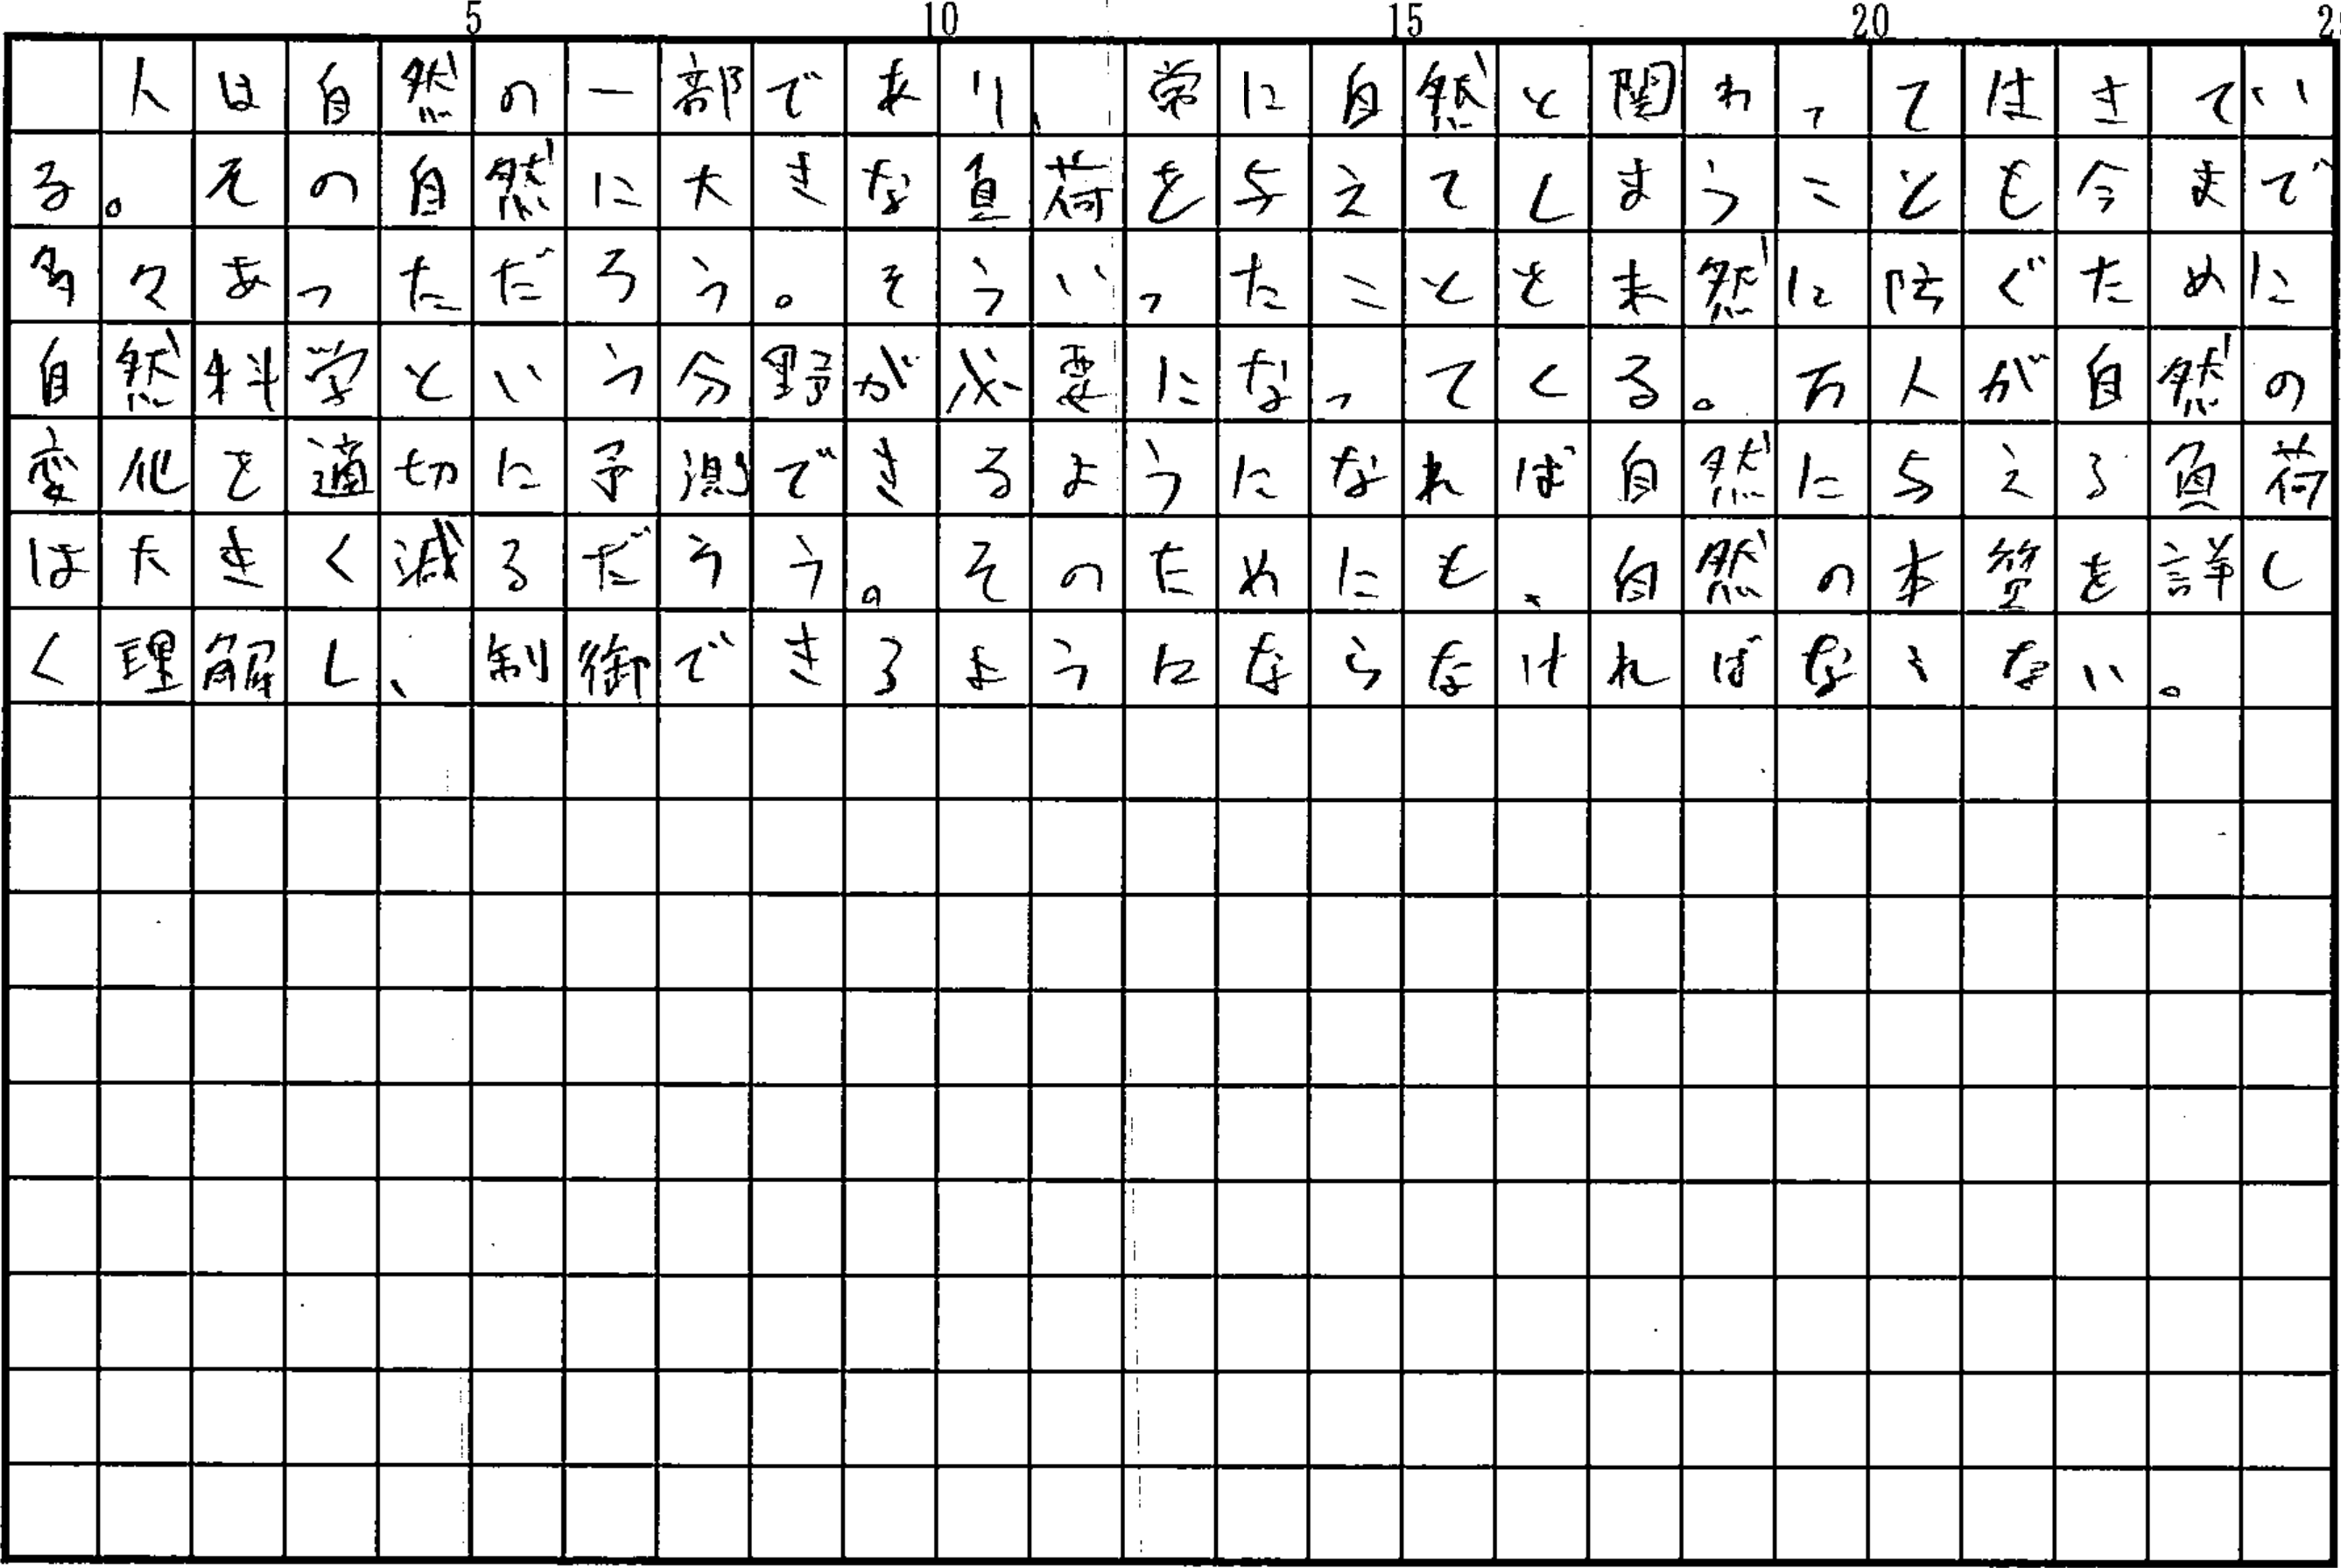　人は自然の一部であり、常に自然と関わって生きている。その自然に大きな負荷を与えてしまうことも今まで多々あっただろう。そういったことを未然に防ぐために自然科学という分野が必要になってくる。万人が自然の変化を適切に予測できるようになれば自然に与える負荷は大きく減るだろう。そのためにも、自然の本質を詳しく理解し、制御できるようにならなければならない。
